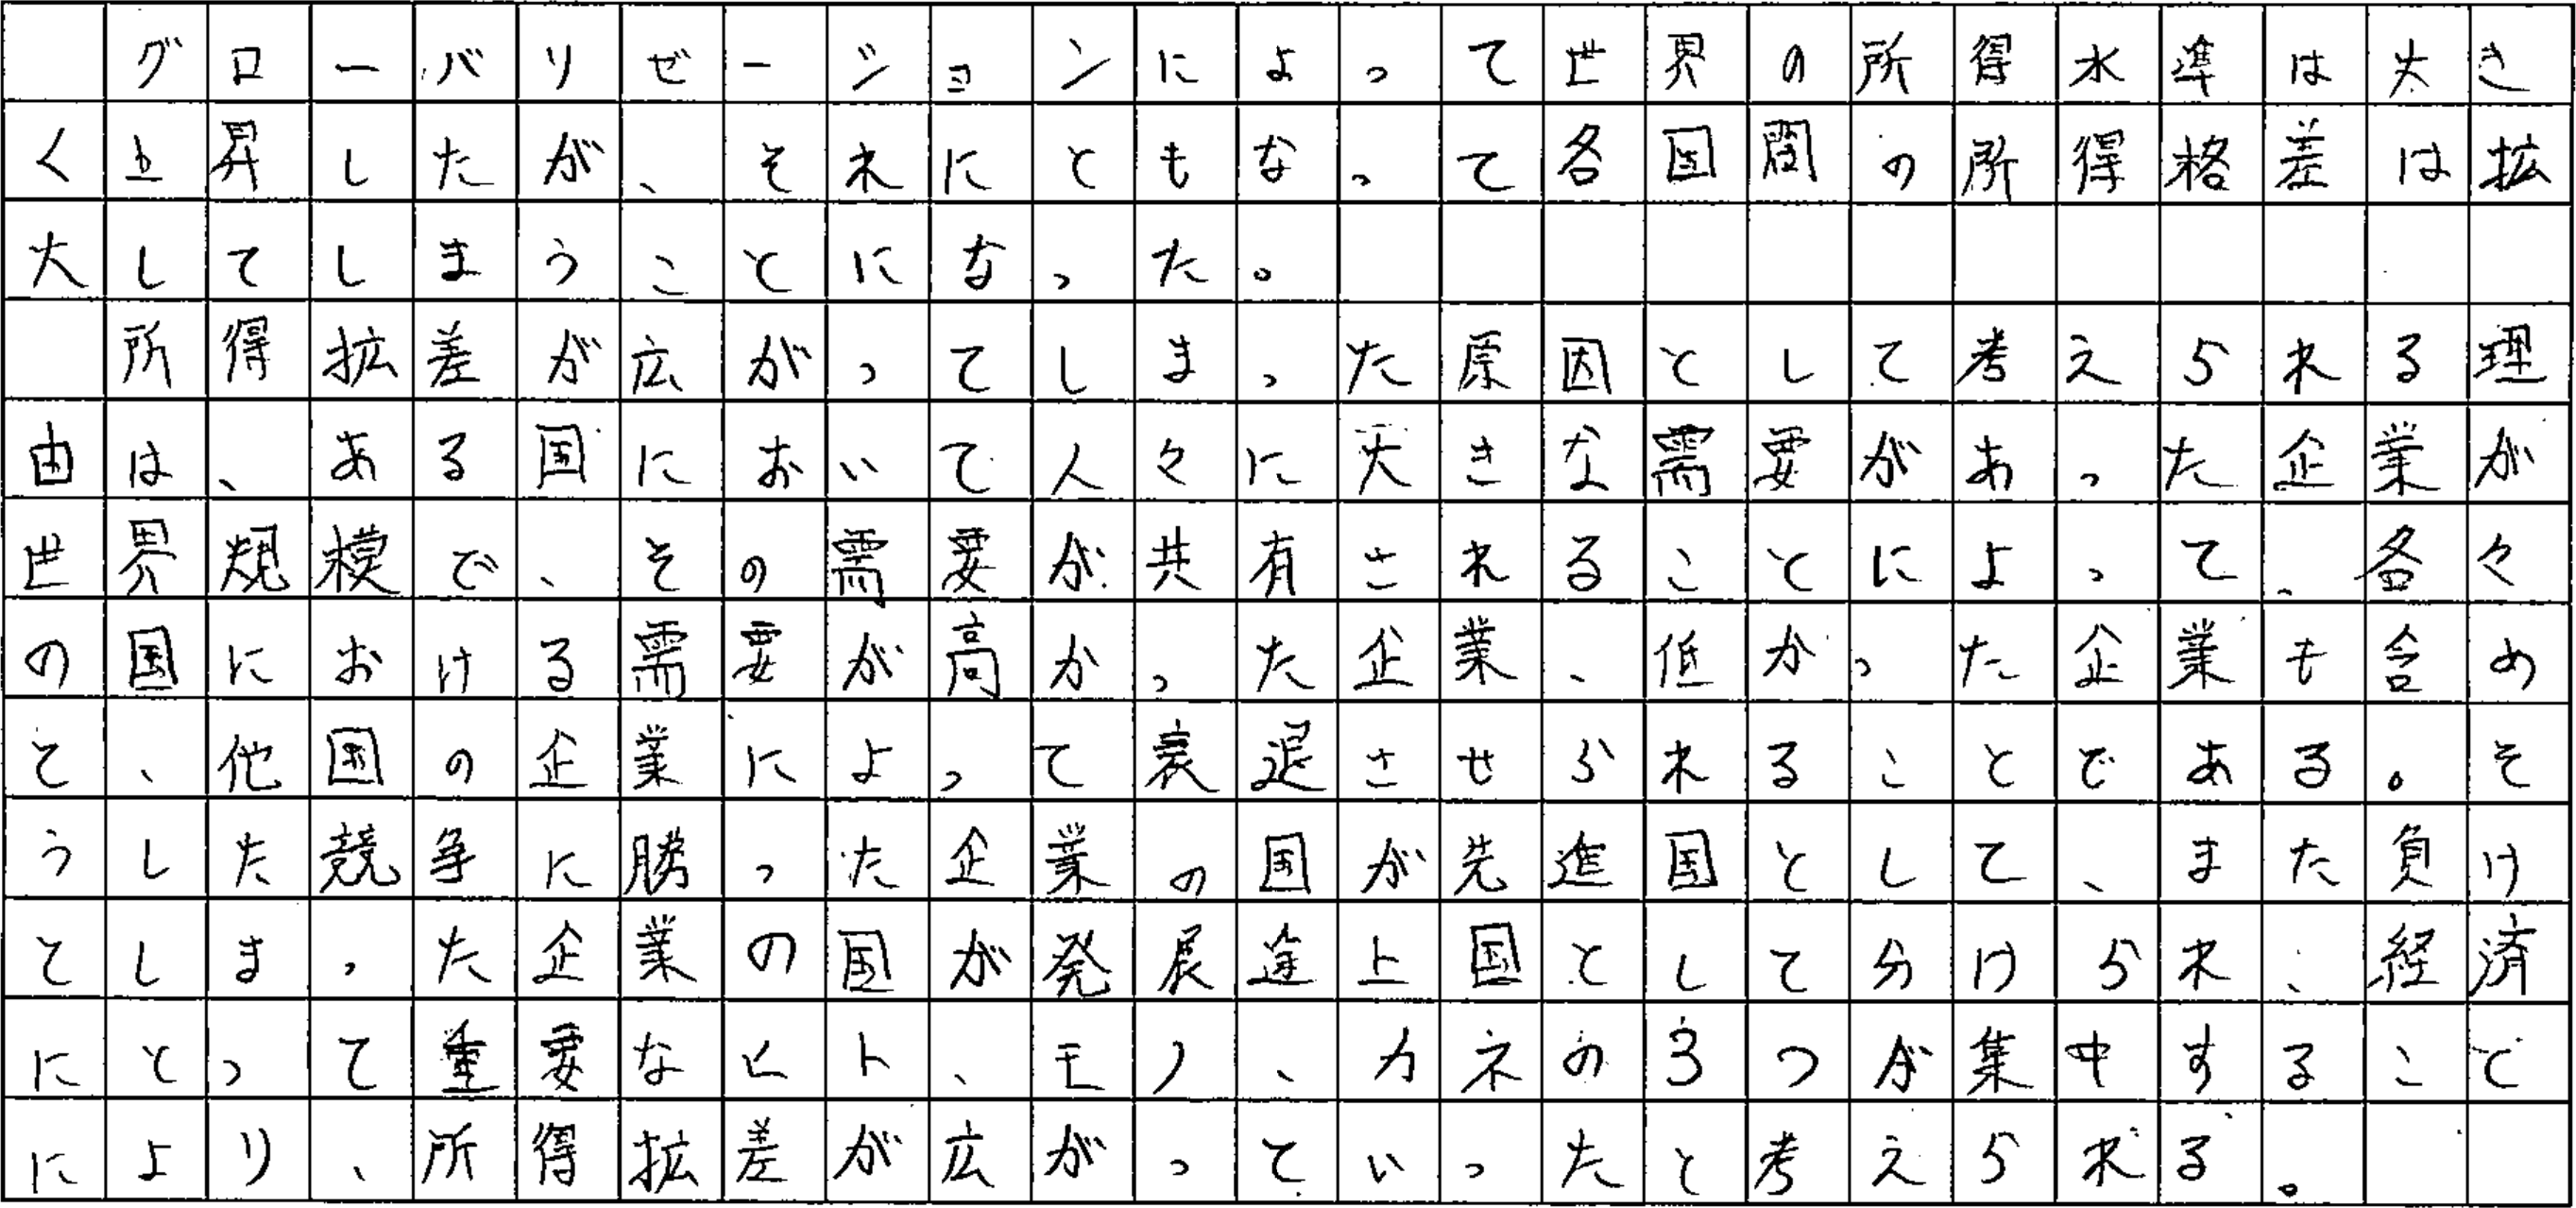　グローバリゼーションによって世界の所得水準は大きく上昇したが、それにともなって各国間の所得格差は拡大してしまうことになった。
　所得拡差が広がってしまった原因として考えられる理由は、ある国において人々に大きな需要があった企業が世界規模で、その需要が共有されることによって、各々の国における需要が高かった企業、低かった企業も含めて、他国の企業によって衰退させられることである。そうした競争に勝った企業の国が先進国として、また負けてしまった企業の国が発展途上国として分けられ、経済にとって重要なヒト、モノ、カネの３つが集中することにより、所得拡差が広がっていったと考えられる。
